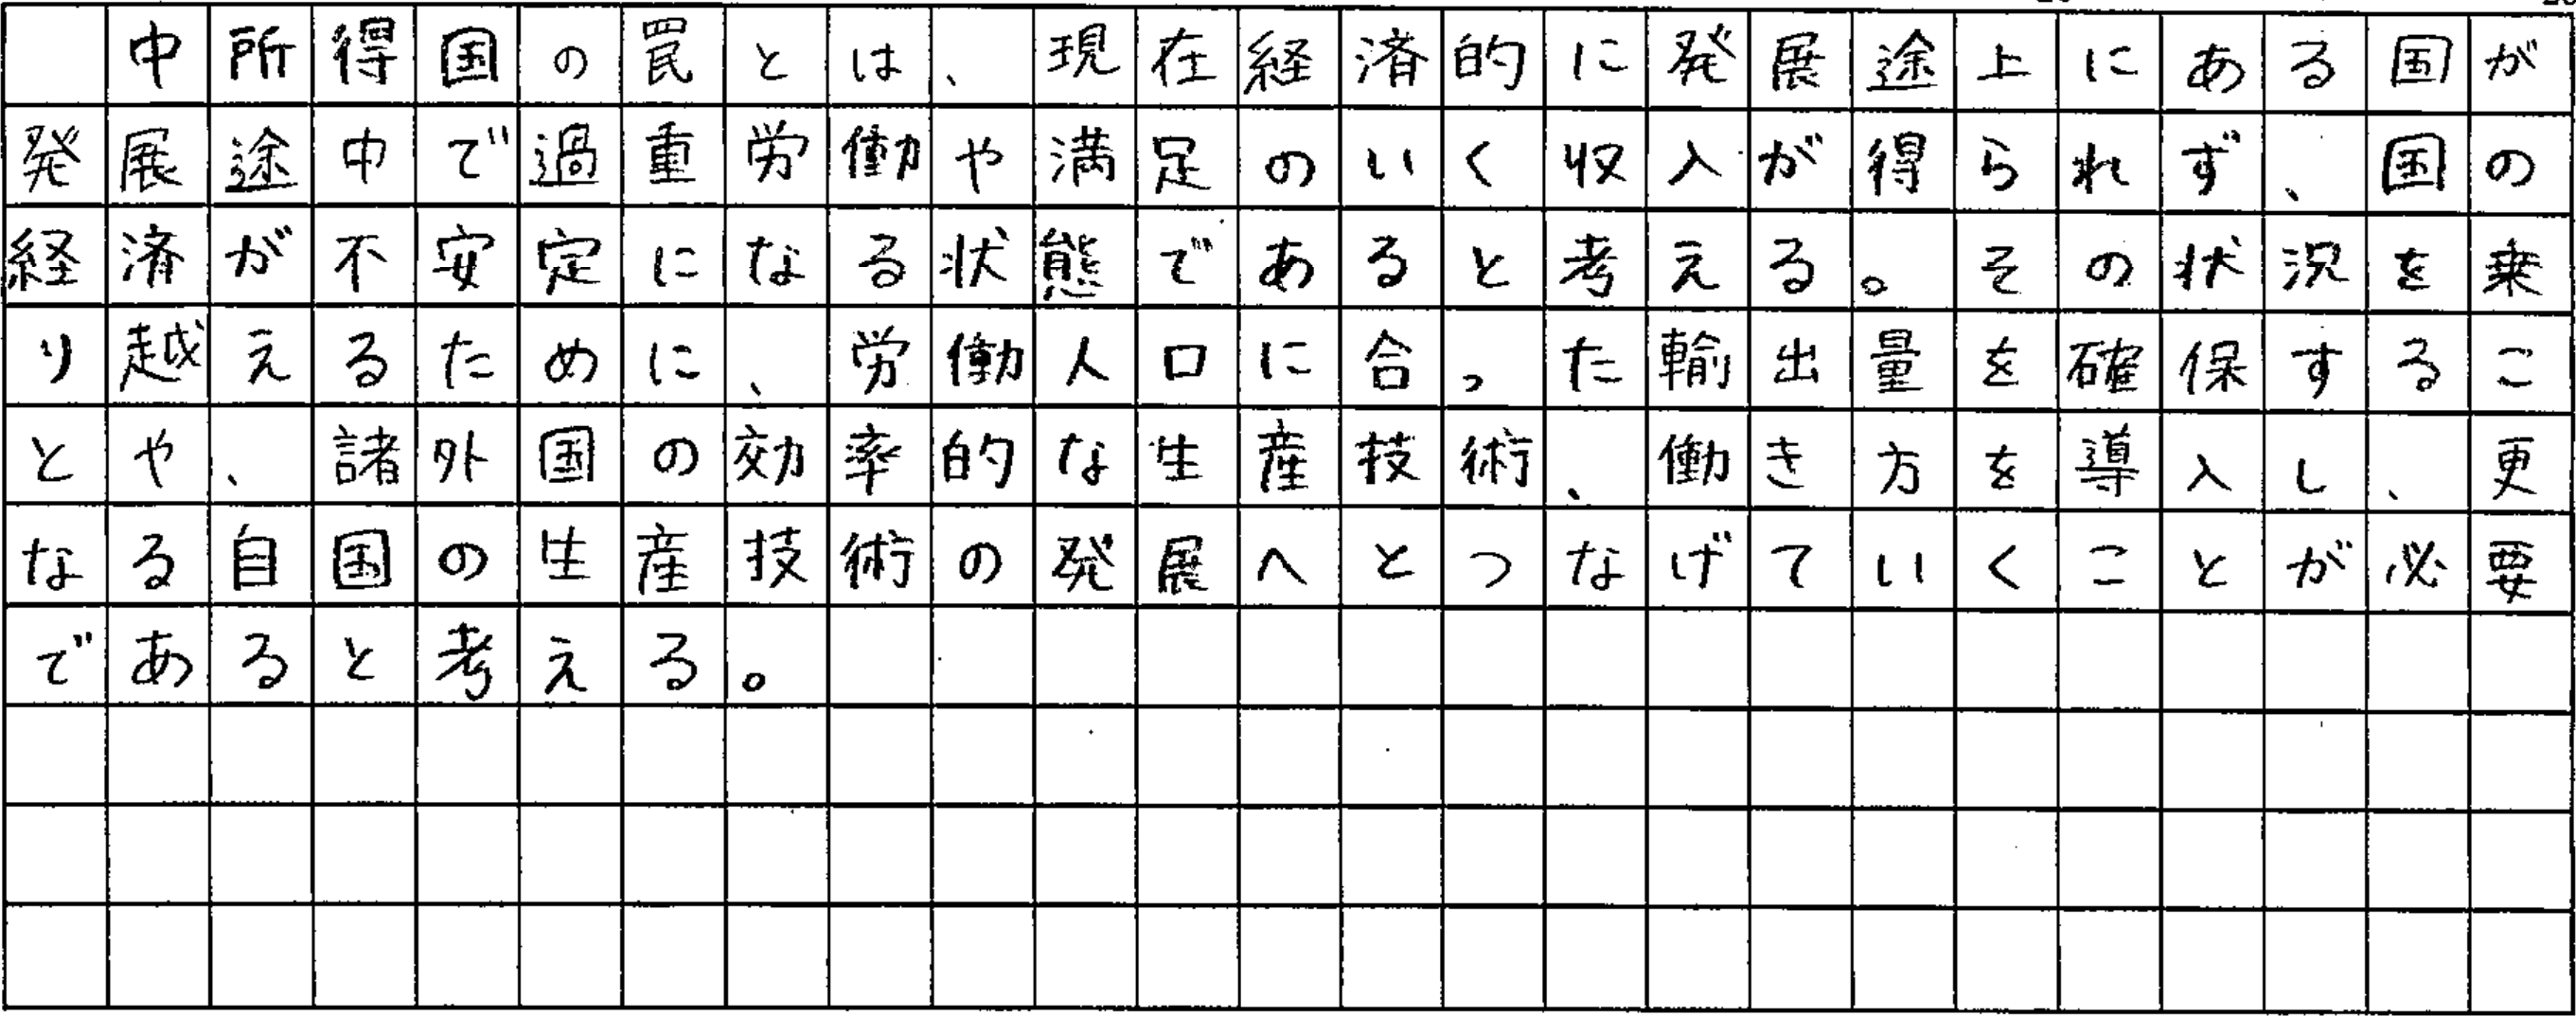　中所得国の罠とは、現在経済的に発展途上にある国が発展途中で過重労働や満足のいく収入が得られず、国の経済が不安定になる状態であると考える。その状況を乗り越えるために、労働人口に合った輸出量を確保することや、諸外国の効率的な生産技術、働き方を導入し、更なる自国の生産技術の発展へとつなげていくことが必要であると考える。
